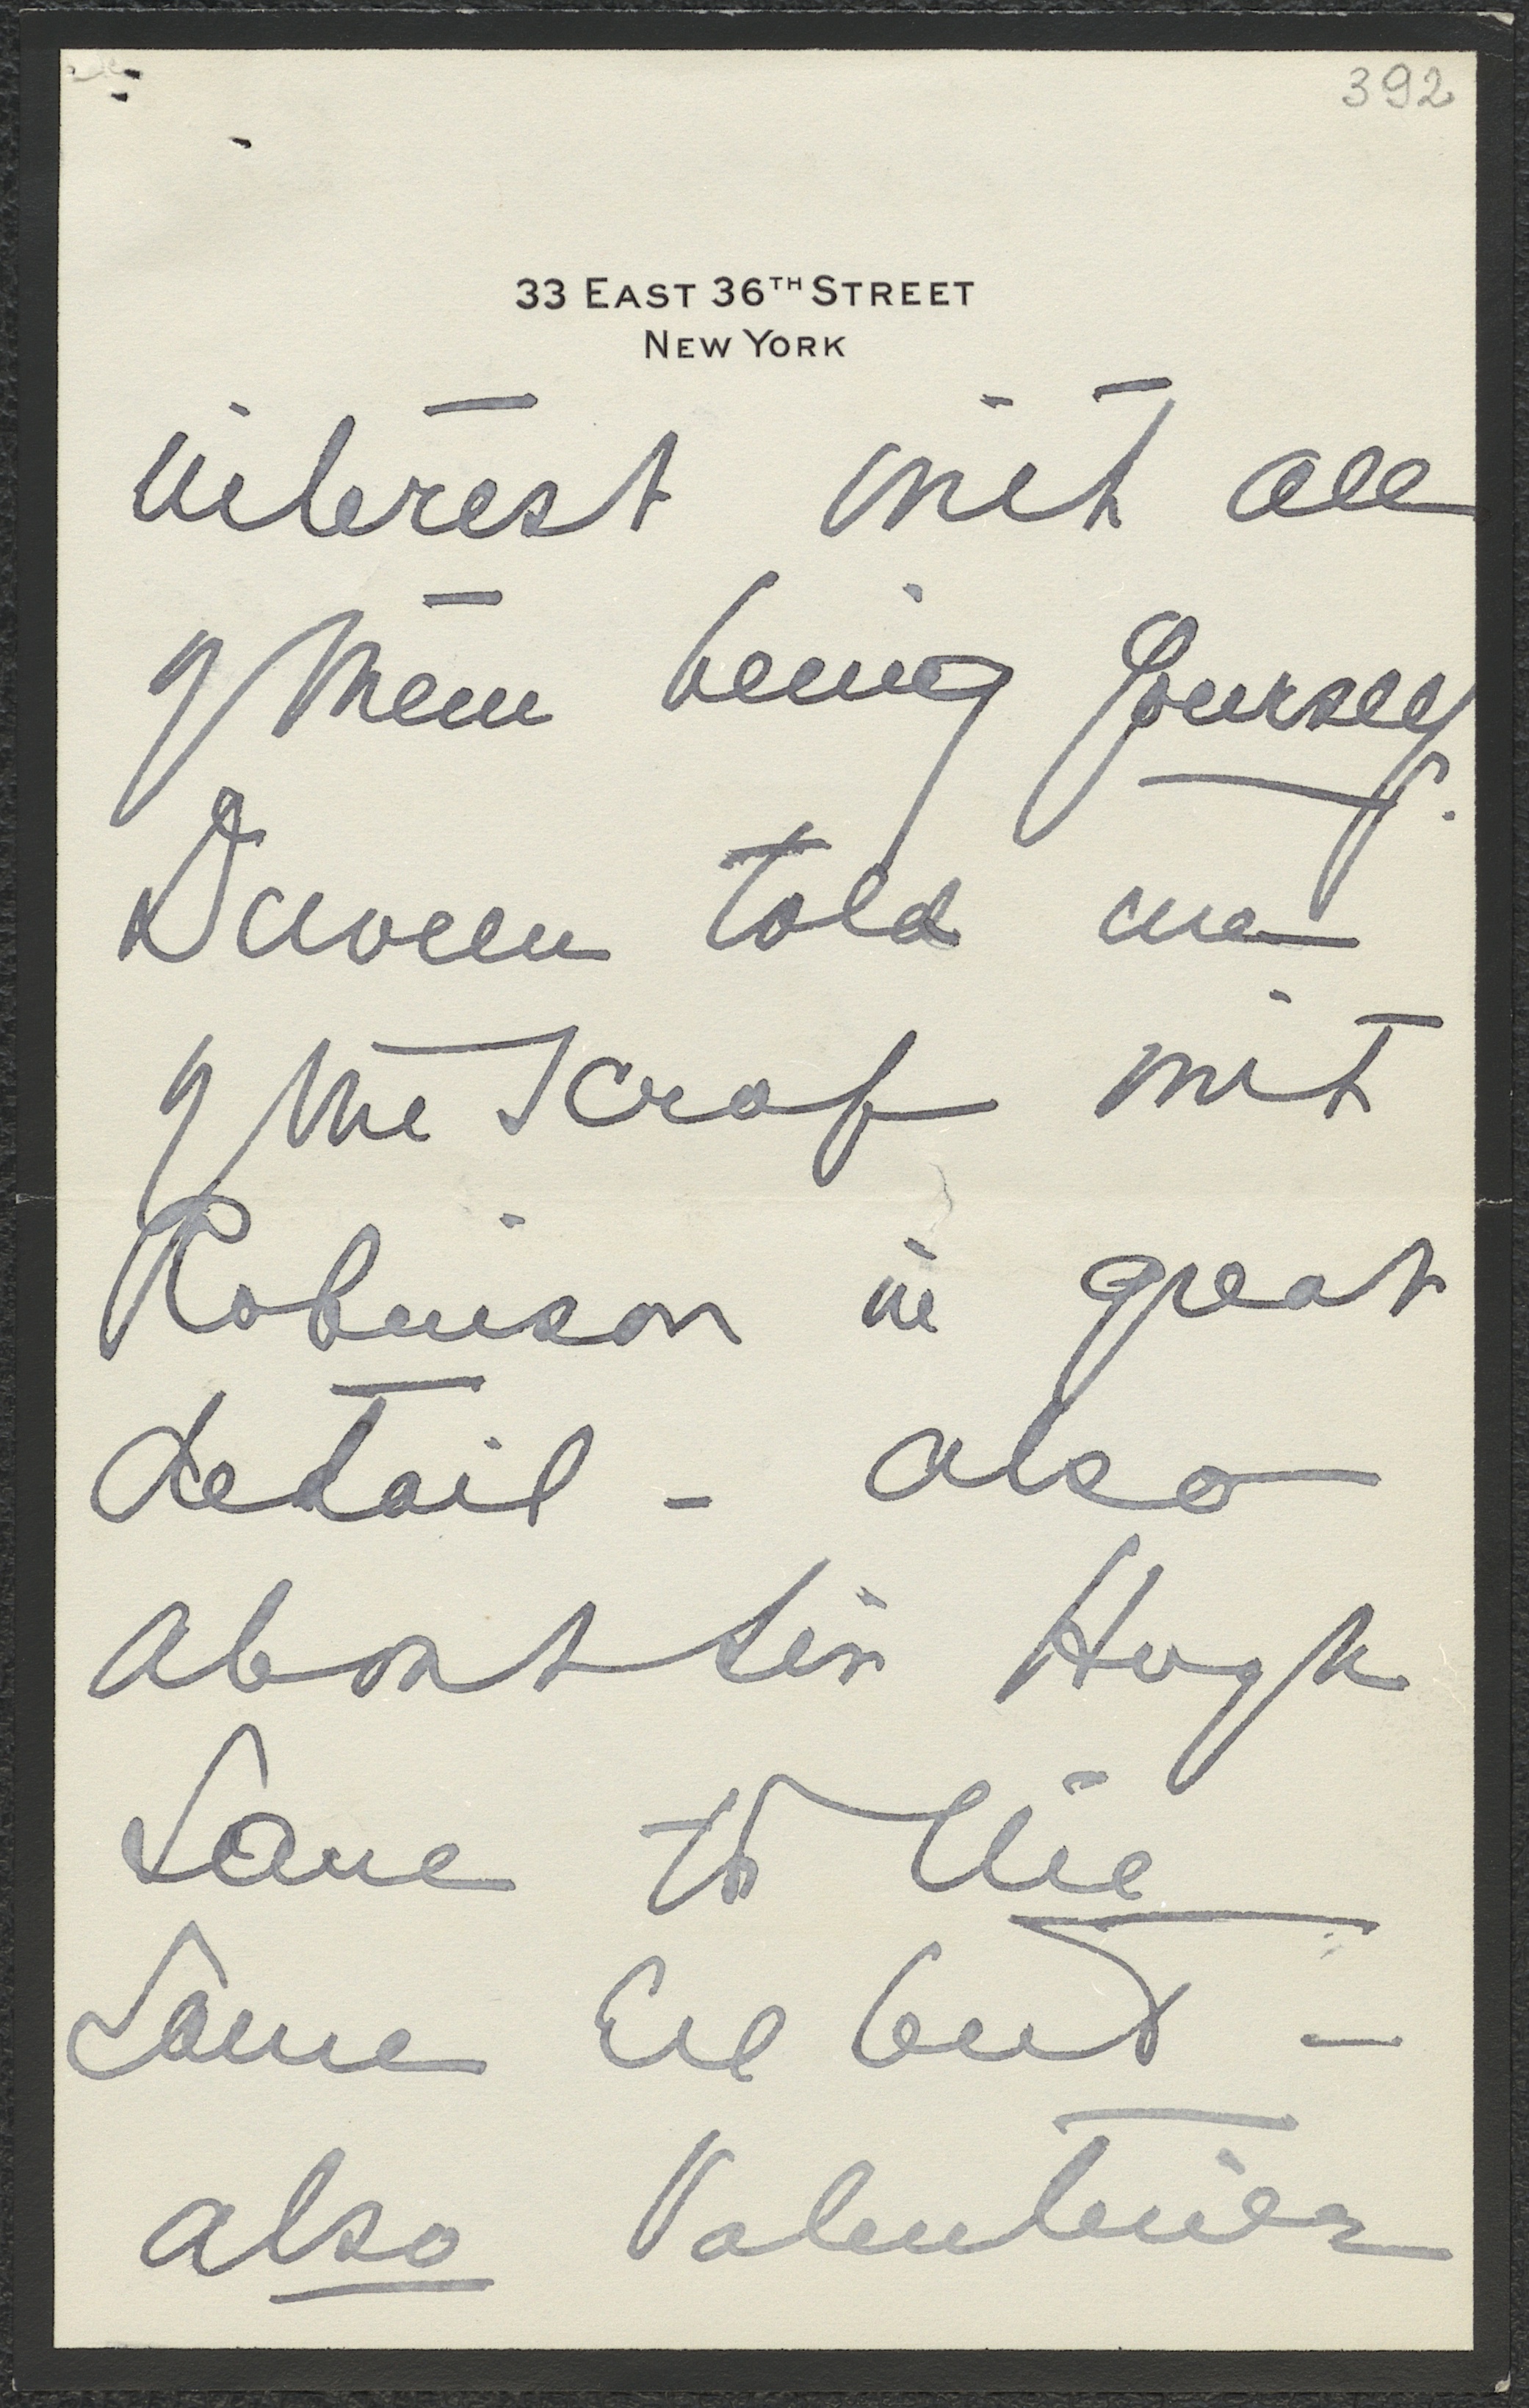interest with all of them being yourself. Duveen told me of the scrap with Robinson in great detail – also about Sir Hugh Lane to the same extent – also Valentiner